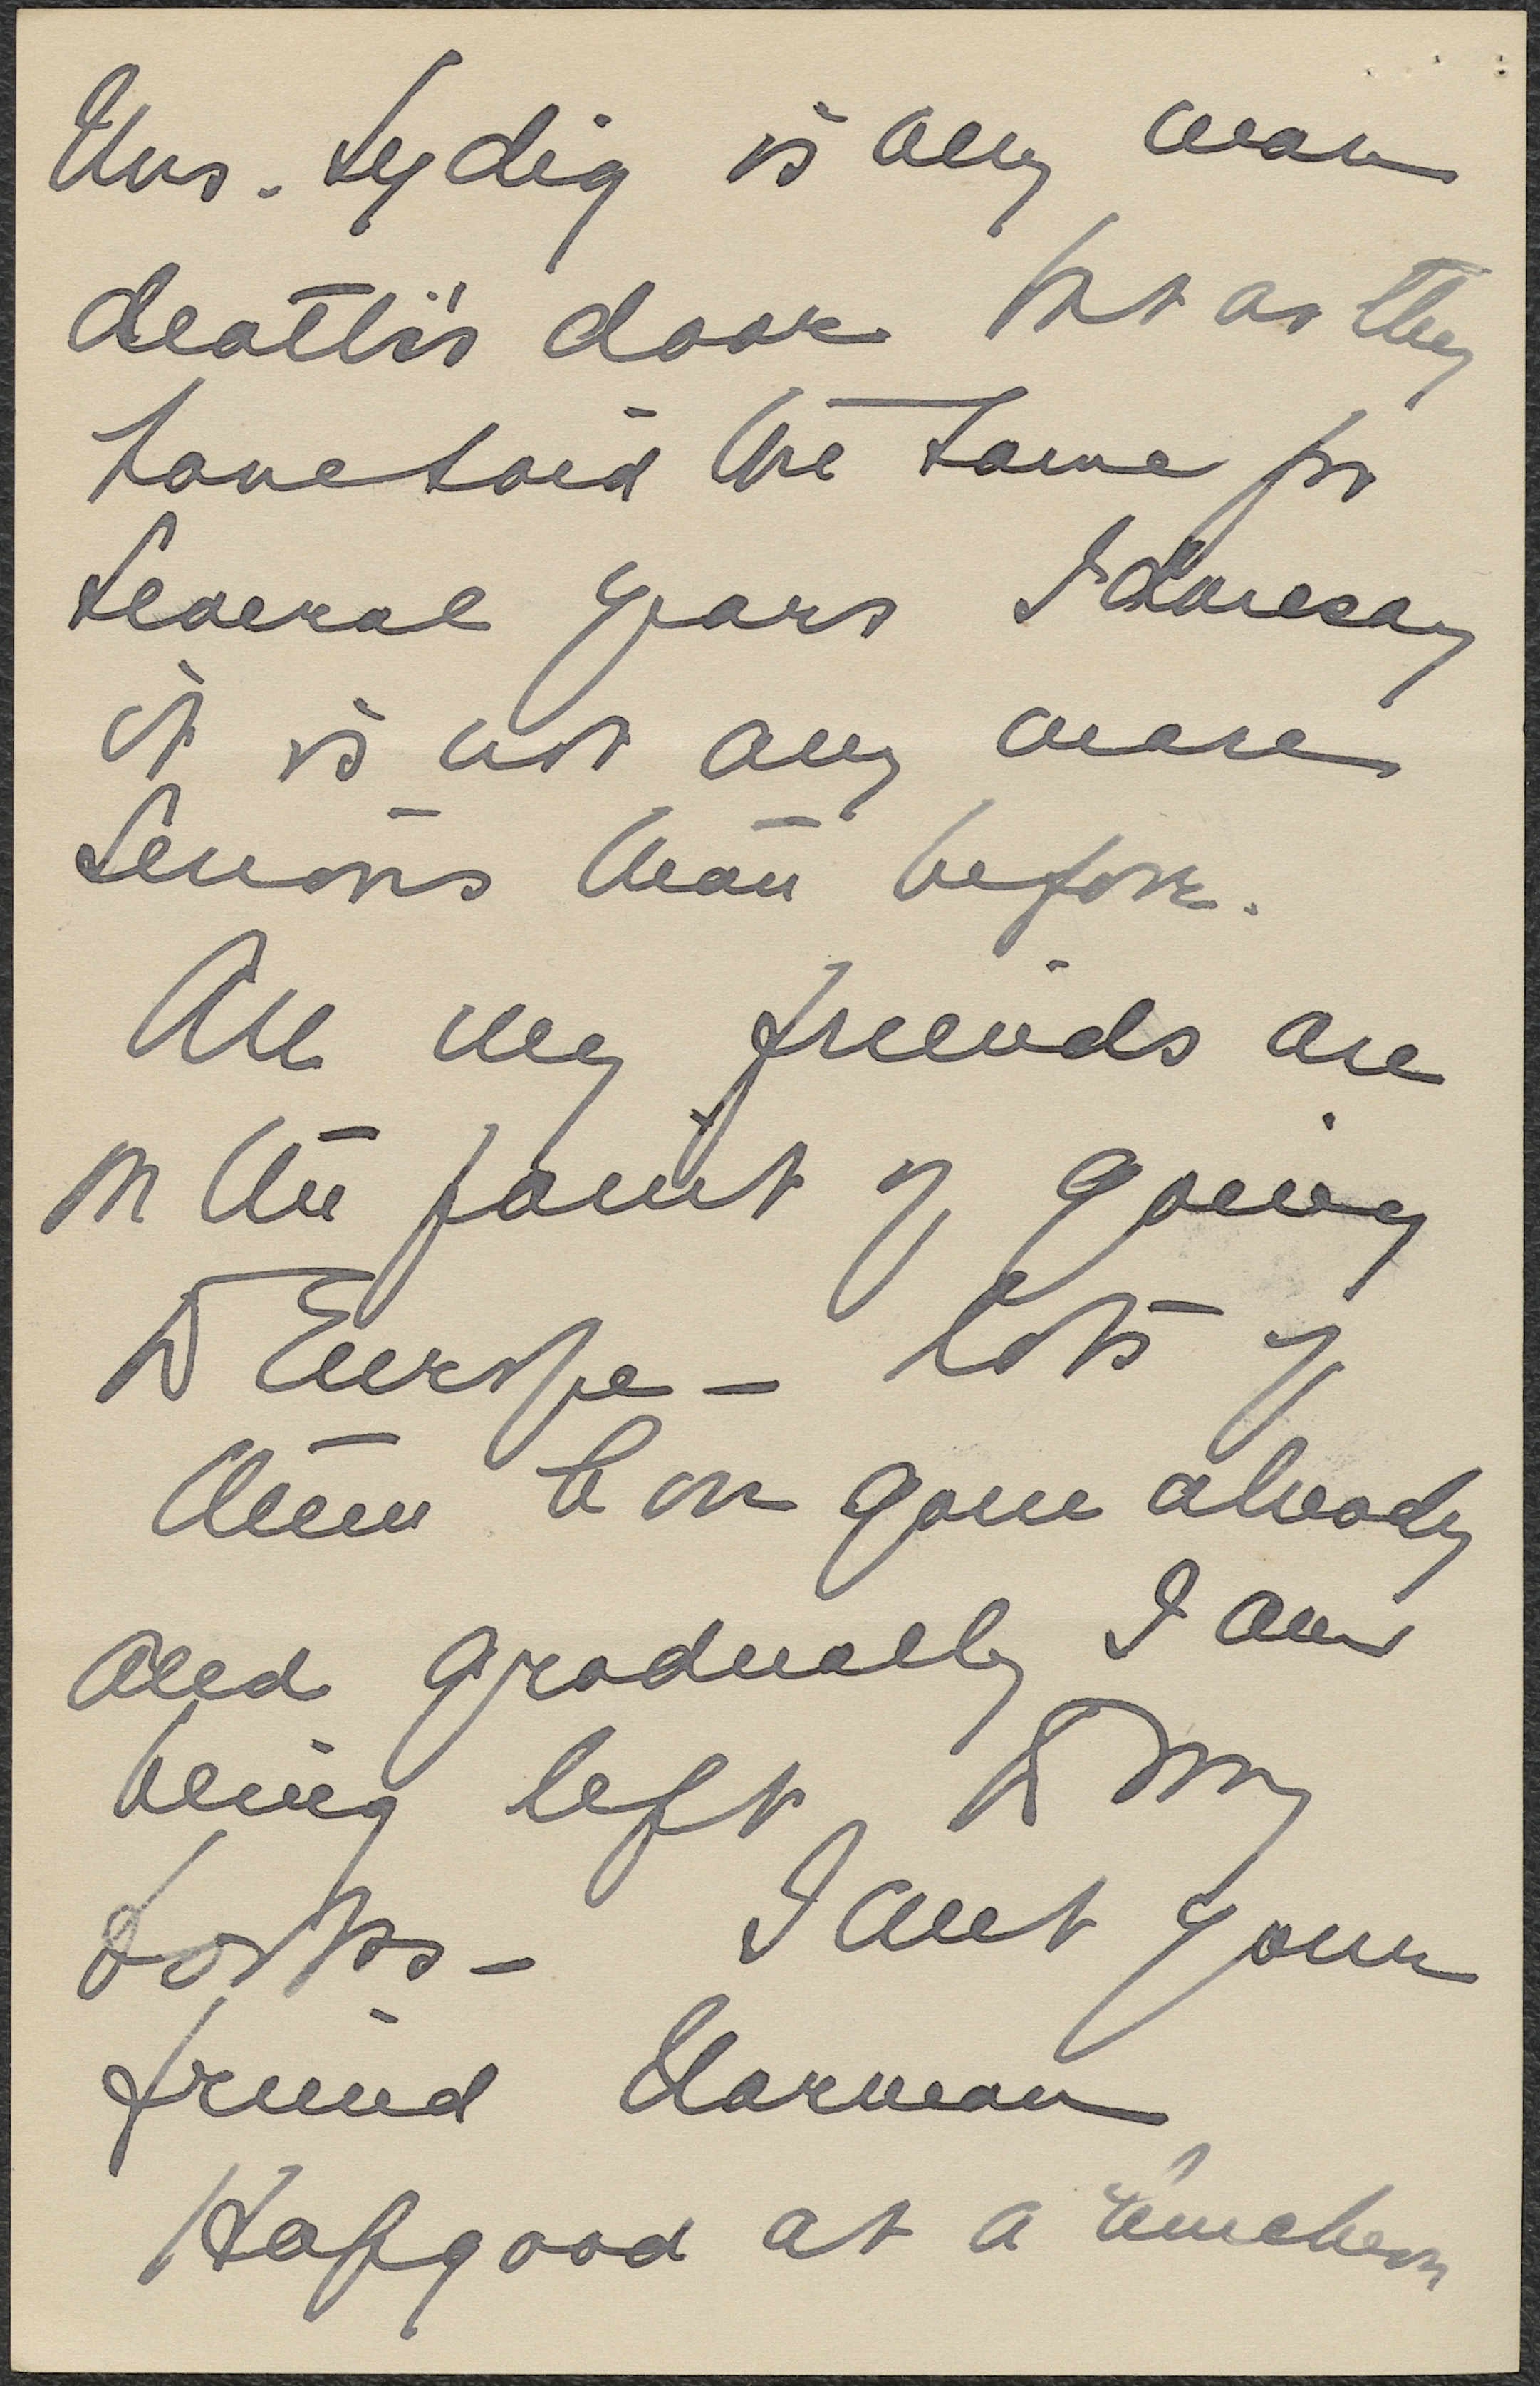Mrs. Lydig is very near death’s door but as they have said the same for several years I daresay it is not any more serious than before.
All my friends are on the point of going to Europe – lots of them have gone already and gradually I am being left to my books – I met your friend Norman Hapgood at a luncheon